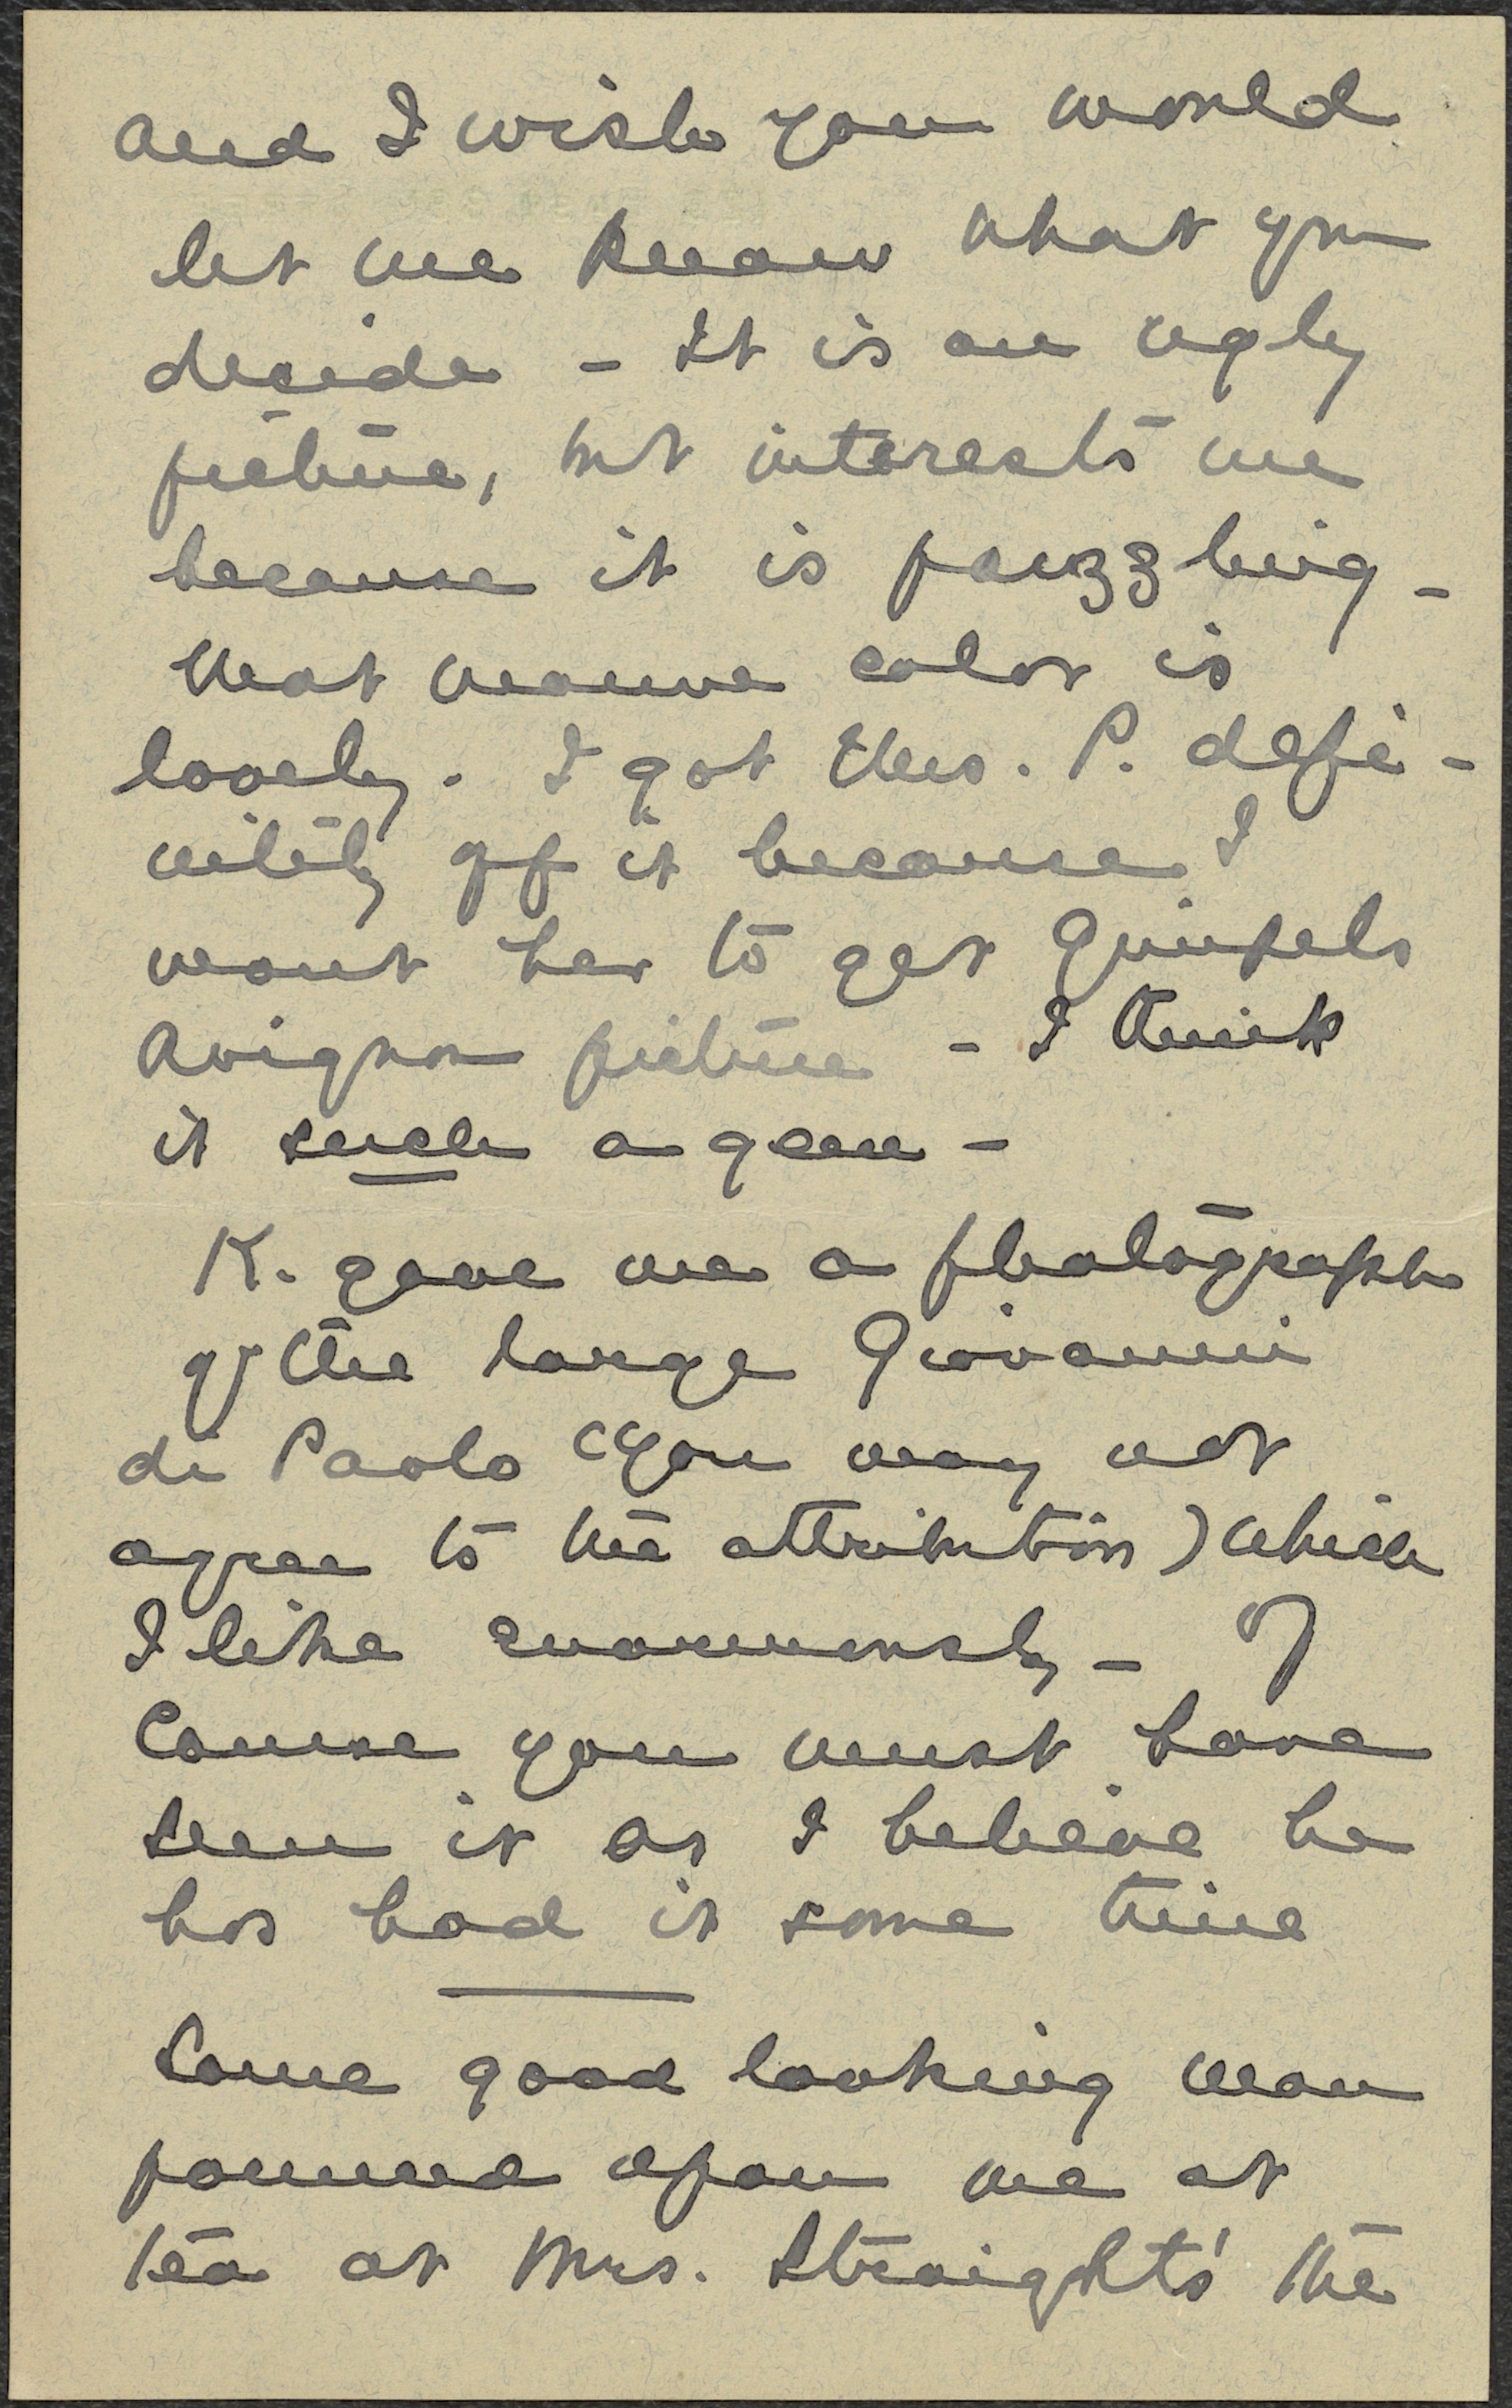and I wish you would let me know what you decide – It is an ugly picture, but interests me because it is puzzling –
That mauve color is lovely. I got Mrs. P. definitely off it because I want her to get Gimpels Avignon picture – I think it such a gem –
K. gave me a photograph of the large Giovanni di Paolo (You may not agree to the attribution) which I like enormously – of course you must have seen it as I believe he has had it some time
Some good looking man pounced upon me at tea at Mrs. Straight's the